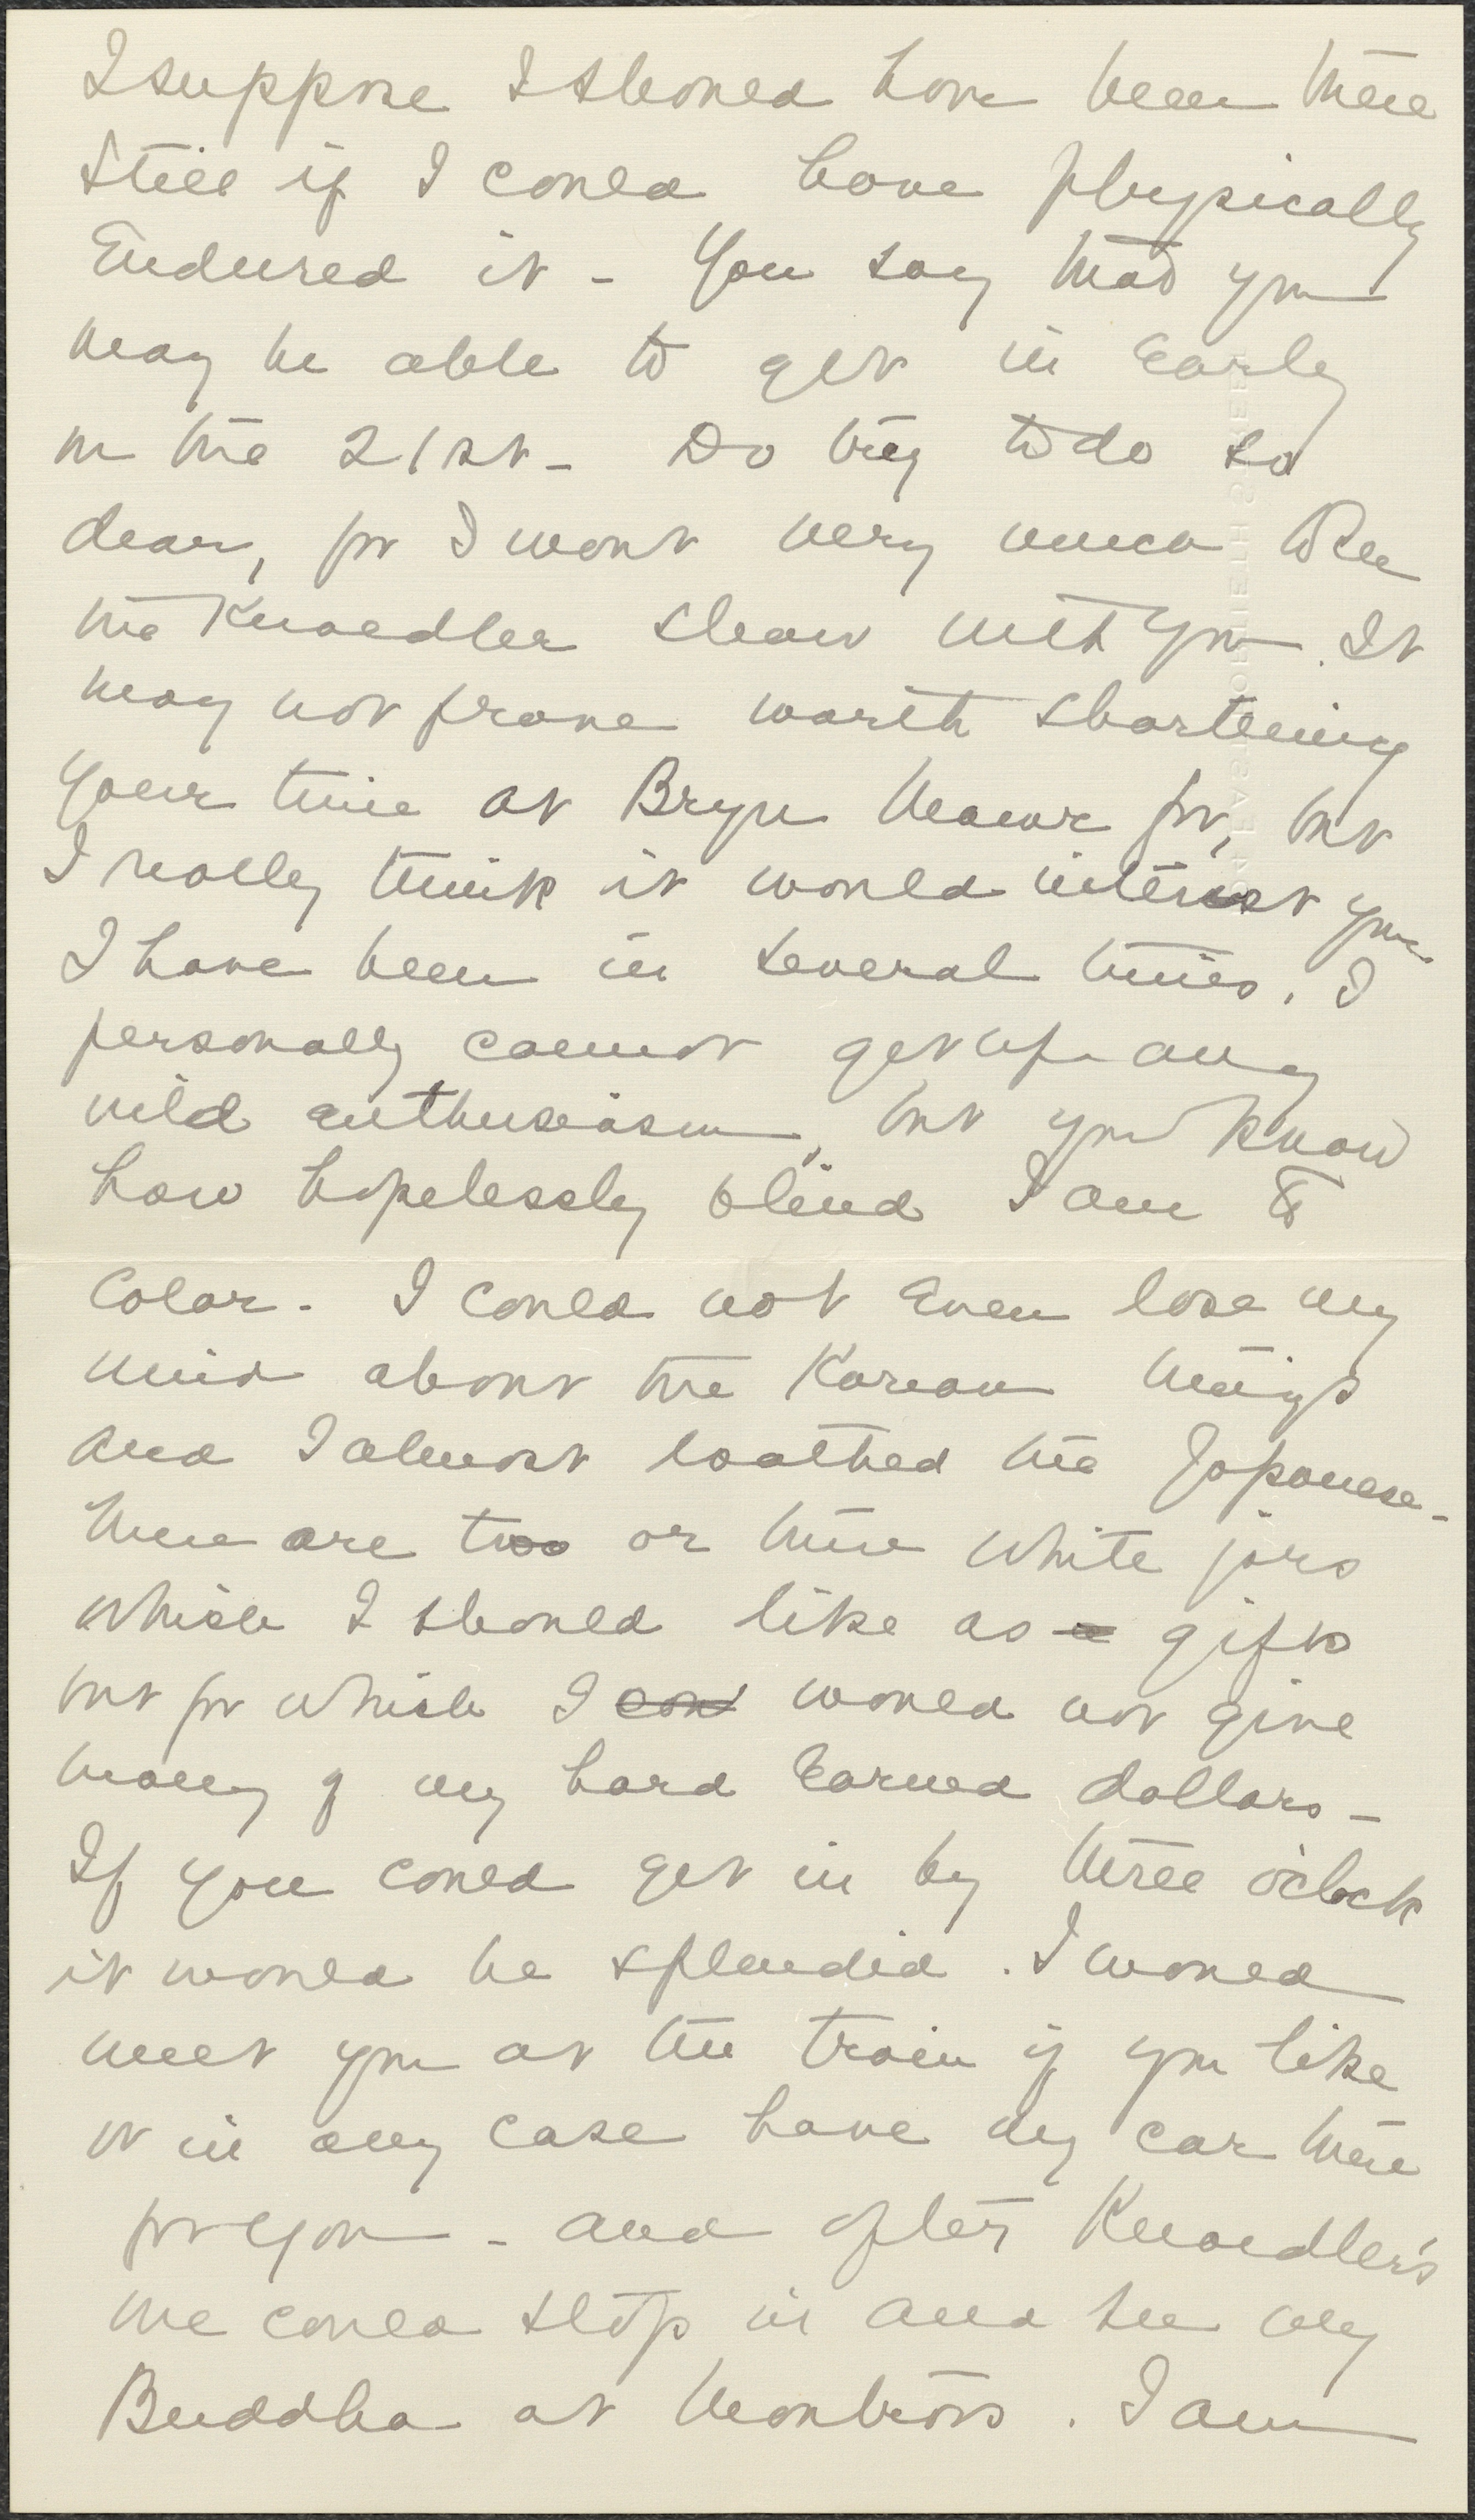I suppose I should have been there still if I could have physically endured it – You say that you may be able to get in early on the 21st – Do try to do so dear, for I want very much to see the Knoedler show with you. It may not prove worth shortening your time at Bryn Mawr for, but I really think it would interest you. I have been in several times. I personally cannot get up any wild enthusiasm, but you know how hopelessly blind I am to color. I could not even lose my mind about the Korean things and I almost loathed the Japanese – there are too or three white jars which I should like as a gifts but for which I coul would not give many of my hard earned dollars – If you could get in by three o’clock it would be splendid. I would meet you at the train if you like or in any case have my car there for you – and after Knoedler’s we could stop in and see my Buddha at Montross. I am